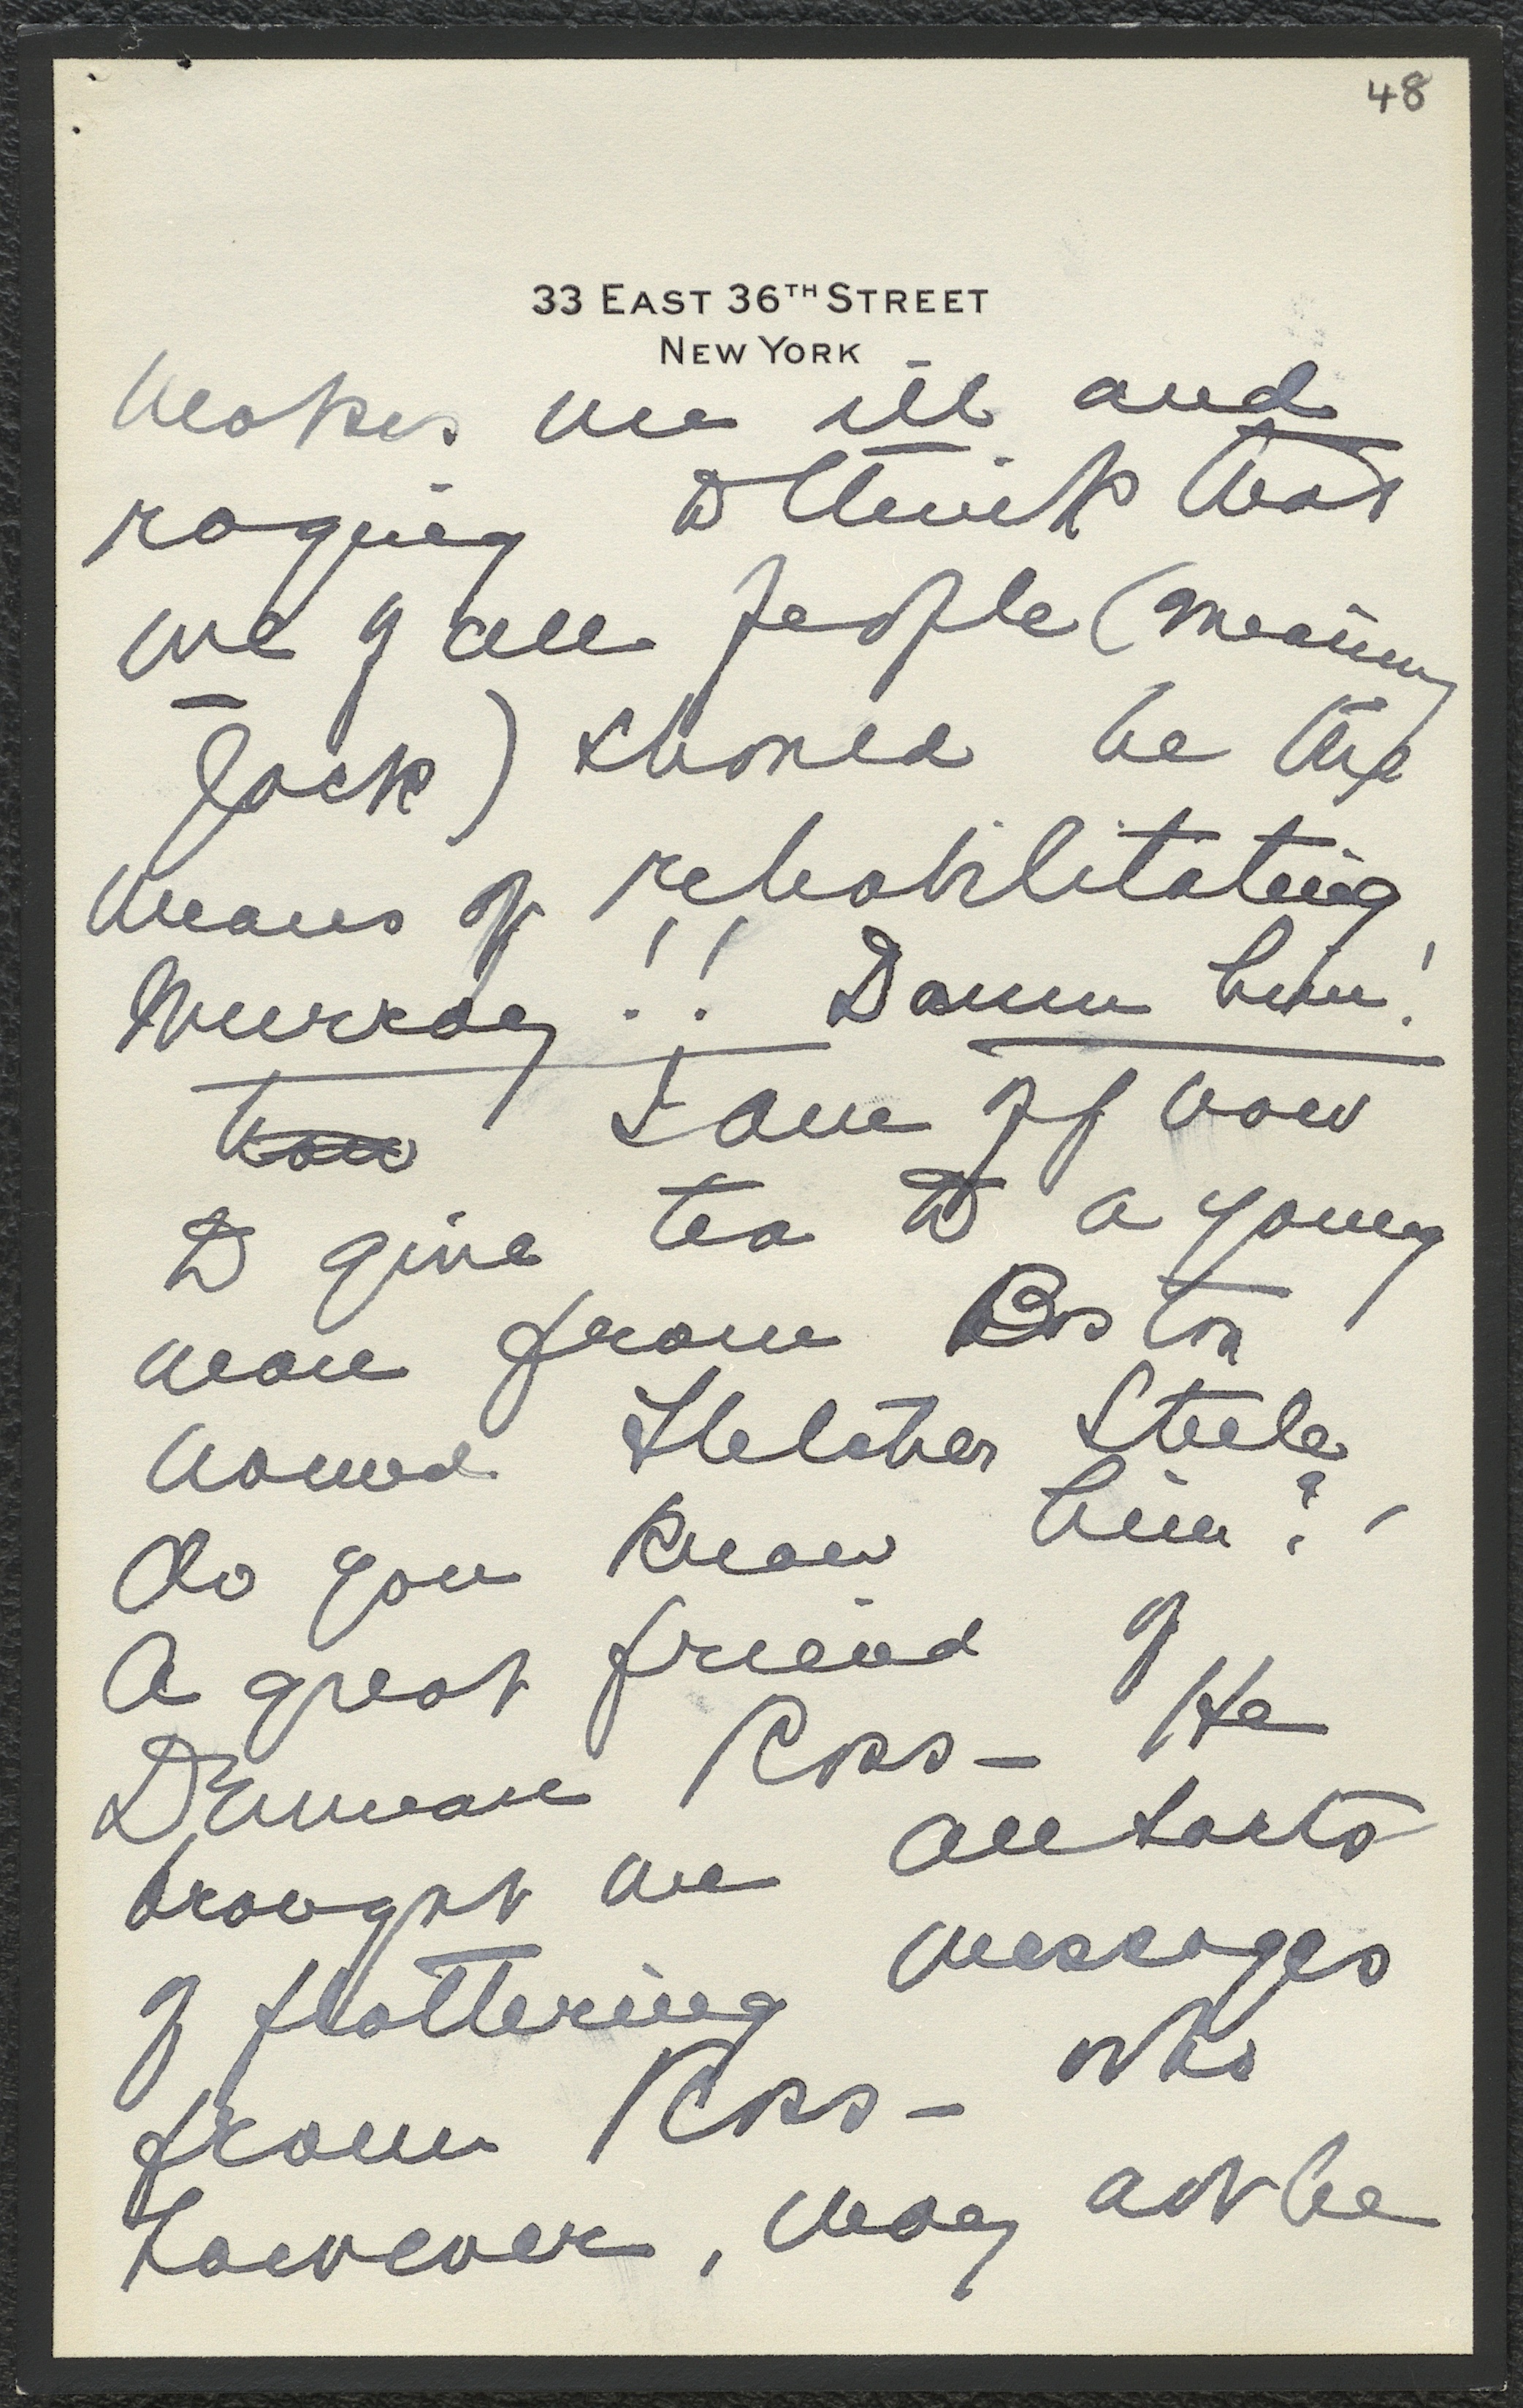makes me ill and raging to think that me of all people (meaning Jack) should be the means of rehabilitating Murray!! Damn him! now I am off now to give tea to a young man from Boston named Fletcher Steele do you know him? – A great friend of Denman Ross – He brought me all sorts of flattering messages from Ross – who however, may not be